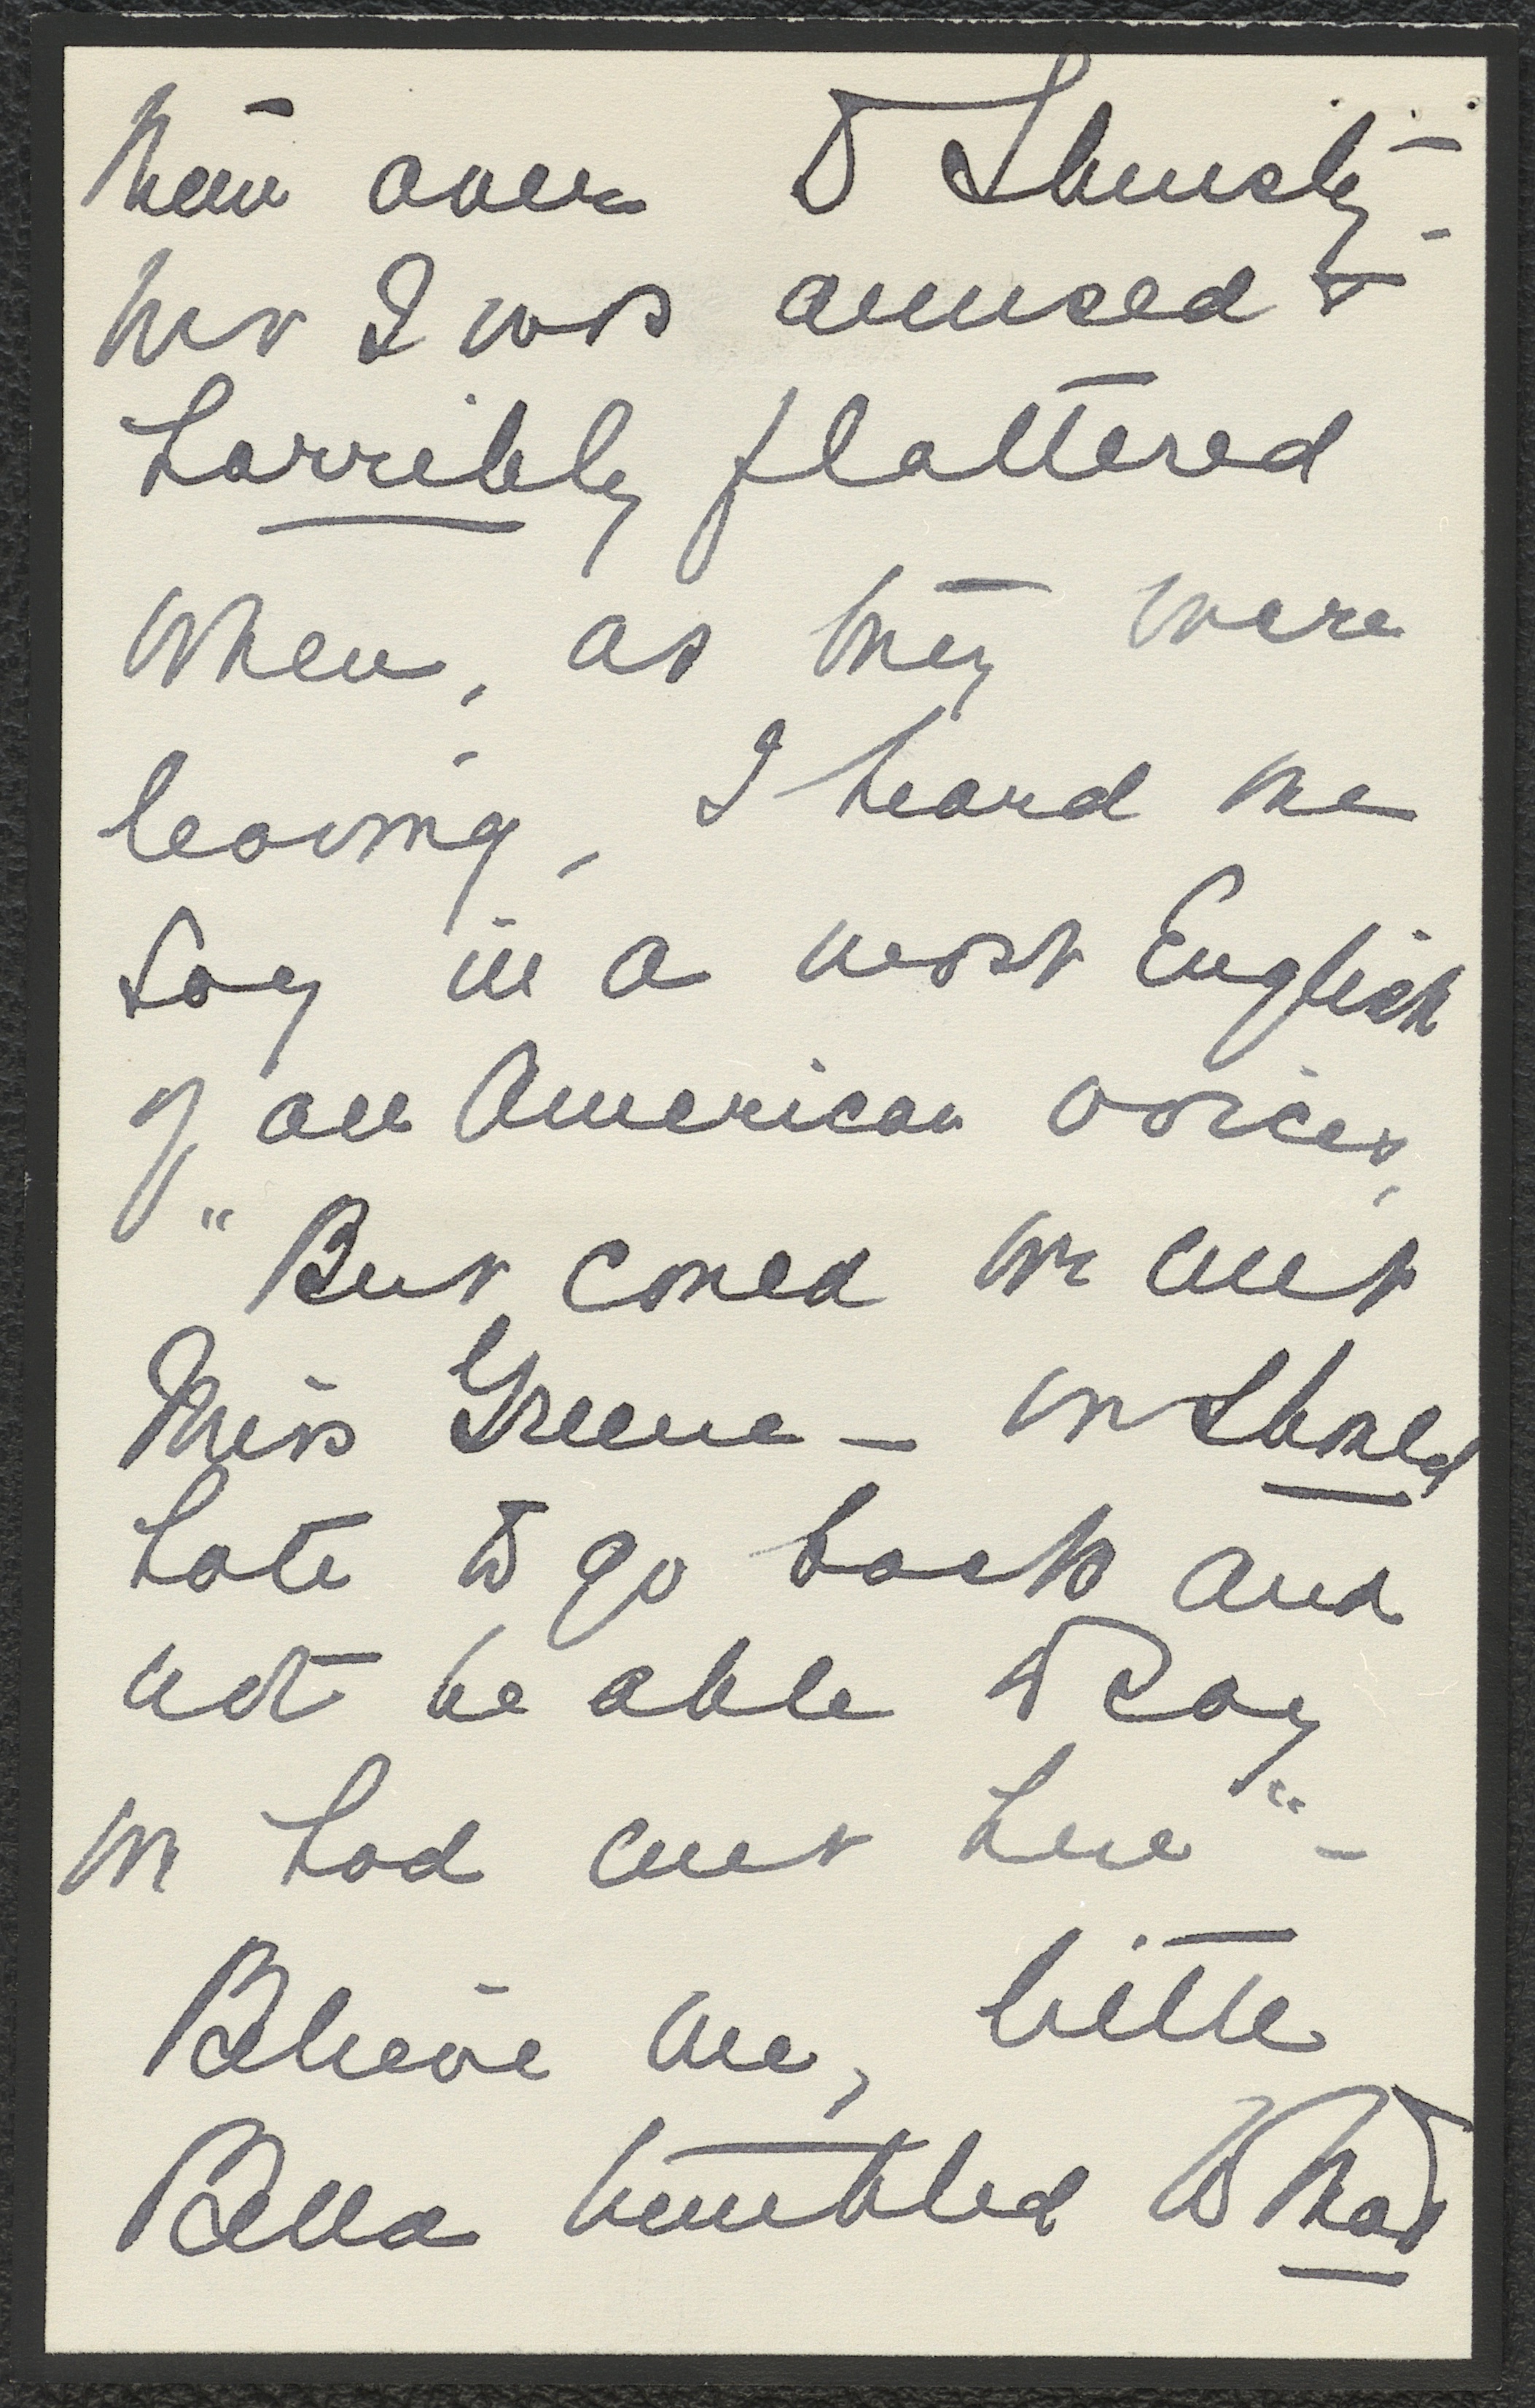them over to Thursty – but I was amused & horribly flattered when, as they were leaving, I heard one say in a most English of an American voice, “But could we meet Miss Greene – we should hate to go back and not be able to say we had met her” –
Believe me, little Bella trembled to that